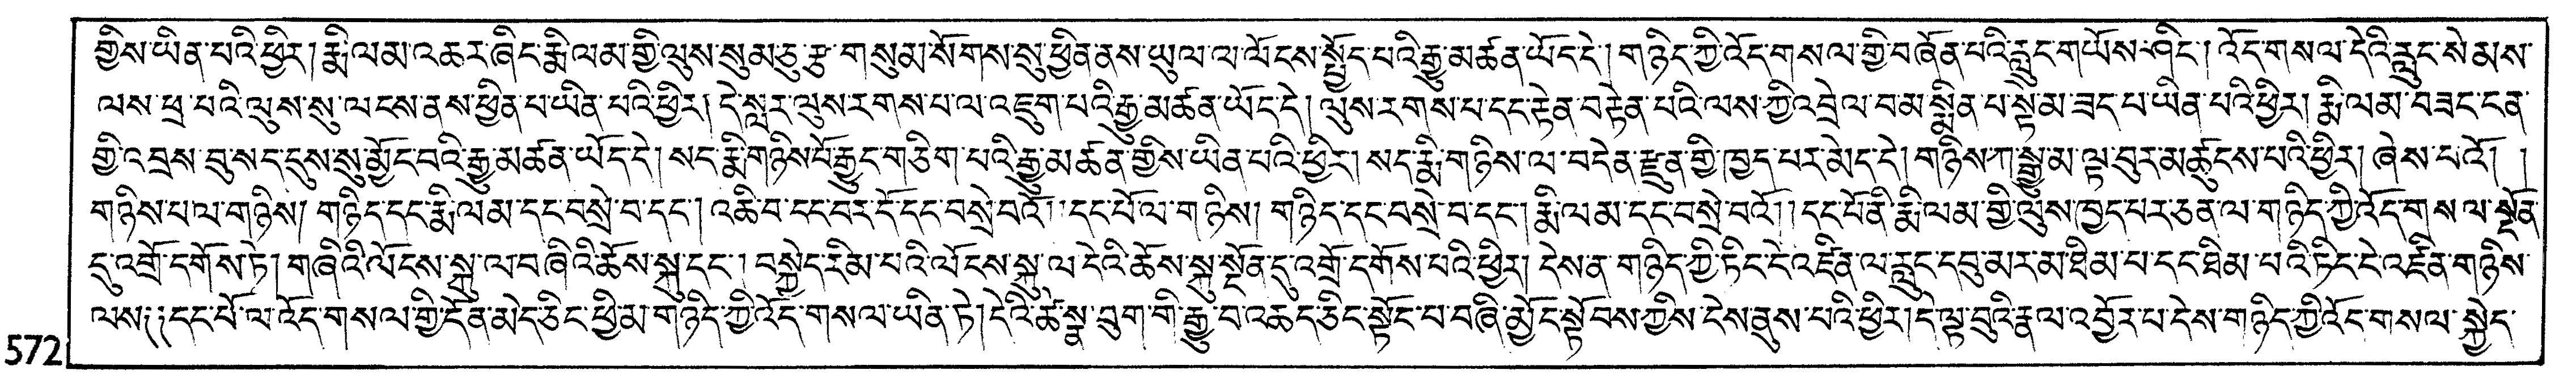གྱིས་ཡིན་པའི་ཕྱིར། རྨི་ལམ་འཆར་ཞིང་རྨི་ལམ་གྱི་ལུས་སུམ་ཅུ་རྩ་གསུམ་སོགས་སུ་ཕྱིན་ནས་ཡུལ་ལ་ལོངས་སྤྱོད་པའི་རྒྱུ་མཚན་ཡོད་དེ། གཉིད་ཀྱི་འོད་གསལ་གྱི་བཞོན་པའི་རླུང་གཡོས་ཤིང་། འོད་གསལ་དེའི་རླུང་སེམས་
ལས་ཕྲ་བའི་ལུས་སུ་ལངས་ནས་ཕྱིན་པ་ཡིན་པའི་ཕྱིར། དེ་སླར་ལུས་རགས་པ་ལ་འཇུག་པའི་རྒྱུ་མཚན་ཡོད་དེ། ལུས་རགས་པ་དང་རྟེན་བརྟེན་པའི་ལས་ཀྱི་འབྲེལ་བ་མ་སྨིན་པ་སྟེ་མ་ཟད་པ་ཡིན་པའི་ཕྱིར། རྨི་ལམ་བཟང་ངན་
གྱི་འབྲས་བུ་སད་དུས་སུ་མྱོང་བའི་རྒྱུ་མཚན་ཡོད་དེ། སད་རྨི་གཉིས་པོ་རྒྱུད་གཅིག་པའི་རྒྱུ་མཚན་གྱིས་ཡིན་པའི་ཕྱིར། སད་རྨི་གཉིས་ལ་བདེན་རྫུན་གྱི་ཁྱད་པར་མེད་དེ། གཉིས་ཀ་སྒྱུ་མ་ལྟ་བུར་མཚུངས་པའི་ཕྱིར། ཞེས་པའོ། །
གཉིས་པ་ལ་གཉིས། གཉིད་དང་རྨི་ལམ་དང་བསྲེ་བ་དང་། འཆི་བ་དང་བར་དོ་དང་བསྲེ་བའོ། །དང་པོ་ལ་གཉིས། གཉིད་དང་བསྲེ་བ་དང་། རྨི་ལམ་དང་བསྲེ་བའོ། །དང་པོ་ནི་རྨི་ལམ་གྱི་ལུས་ཁྱད་པར་ཅན་ལ་གཉིད་ཀྱི་འོད་གསལ་སྔོན་
དུ་འགྲོ་དགོས་ཏེ། གཞིའི་ལོངས་སྐུ་ལ་བཞིའི་ཆོས་སྐུ་དང་། བསྐྱེད་རིམ་པའི་ལོངས་སྐུ་ལ་དེའི་ཆོས་སྐུ་སྔོན་དུ་འགྲོ་དགོས་པའི་ཕྱིར། དེས་ན་གཉིད་ཀྱི་ཏིང་ངེ་འཛིན་ལ་རླུང་དབུ་མར་མ་ཐིམ་པ་དང་ཐིམ་པའི་ཏིང་ངེ་འཛིན་གཉིས་
ལས༑ ༑དང་པོ་ལ་འོད་གསལ་གྱི་དོན་མེད་ཅིང་ཕྱི་མ་གཉིད་ཀྱི་འོད་གསལ་ཡིན་ཏེ། དེའི་ཚེ་སྣ་བུག་གི་རྒྱུ་བ་འཆད་ཅིང་སྟོང་པ་བཞི་མྱོང་སྟོབས་ཀྱིས་ངེས་ནུས་པའི་ཕྱིར། དེ་ལྟ་བུའི་རྣལ་འབྱོར་པ་དེས་གཉིད་ཀྱི་འོད་གསལ་སྐྱེད་